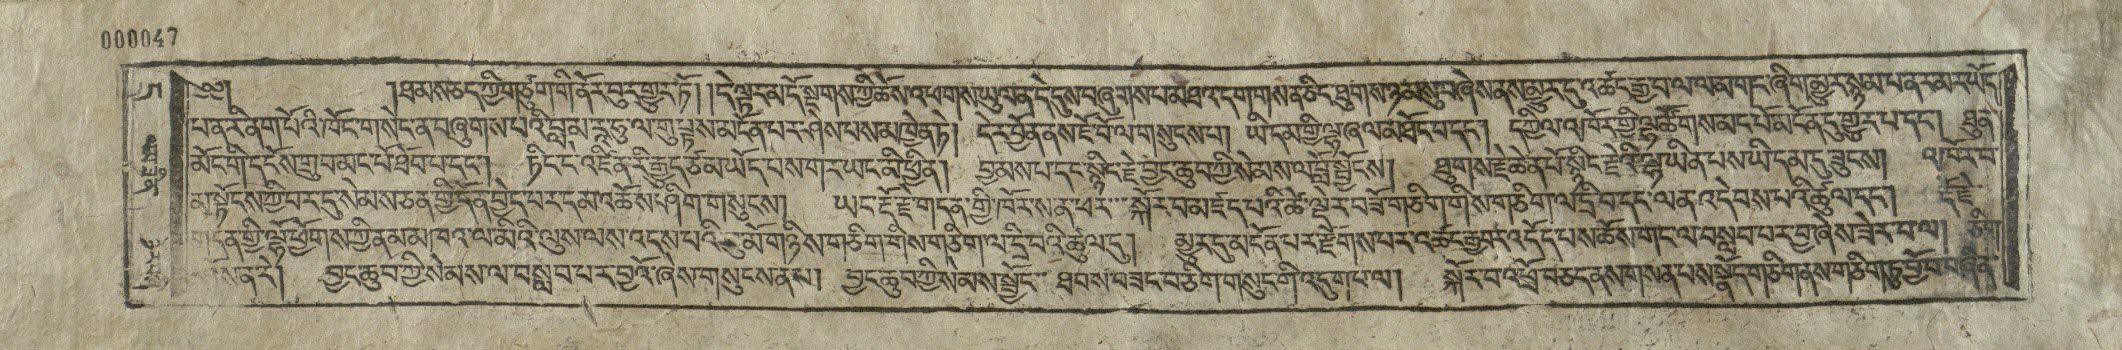༄༅། །ཐམས་ཅད་ཀྱི་གཙུག་གི་ནོར་བུར་གྱུར་ཏོ། །དེ་ལྟར་མདོ་སྔགས་ཀྱི་ཆོས་འཕགས་ཡུལ་ན་དེ་དུས་བཞུགས་པ་མཐའ་དག་གསན་ཅིང་ཐུགས་ཉམས་སུ་བཞེས་ནས་མྱུར་དུ་འཚང་རྒྱ་བ་ལ་ལམ་གང་ཞིག་མྱུར་སྙམ་པ་ནར་མར་ཡོད་
པ་ན་རི་ནག་པོའི་ཁོང་གསེང་ན་བཞུགས་པའི་བླ་མ་རཱ་ཧུ་ལ་གུཔྟས་མངོན་པར་ཤེས་པས་མཁྱེན་ཏེ། དེར་བྱོན་ནས་ཇི་བོ་ལ་གསུངས་པ། ཡི་དམ་གྱི་ལྷ་ཞལ་མཐོང་བ་དང་། དཀྱིལ་འཁོར་གྱི་ལྷ་ཚོགས་མང་པོ་མངོན་དུ་གྱུར་པ་དང་། ཐུན་
མོང་གི་དངོས་གྲུབ་མང་པོ་ཐོབ་པ་དང་། ཏིང་ངེ་འཛིན་རི་རྒྱུད་ཙམ་ཡོད་པས་གར་ཡང་མི་ཕྱིན། བྱམས་པ་དང་སྙིང་རྗེ་བྱང་ཆུབ་ཀྱི་སེམས་ལ་བློ་སྦྱོངས། ཐུགས་རྗེ་ཆེན་པོ་སྙིང་རྗེའི་ལྷ་ཡིན་པས་ཡི་དམ་དུ་ཟུངས། འཁོར་བ་
མ་སྟོངས་ཀྱི་བར་དུ་སེམས་ཅན་གྱི་དོན་བྱེད་པར་དམ་འཆོས་ཤིག་གསུངས། ཡང་རྡོ་རྗེ་གདན་གྱི་ཁོར་ས་ན་ཕར་སྐོར་བ་མཛད་པའི་ཚེ་ལྡེར་བཟོ་གཅིག་གིས་གཅིག་ལ་དྲི་བ་དང་ལན་འདེབས་པའི་ཚུལ་དང་། རྡོ་རྗེ་
གདན་གྱི་ལྷོ་ཕྱོགས་ཀྱི་ནམ་མཁའ་ལ་མིའི་ལུས་ལས་འདས་པའི་བུ་མོ་གཉིས་གཅིག་གིས་གཅིག་ལ་དྲི་བའི་ཚུལ་དུ། མྱུར་དུ་མངོན་པར་རྫོགས་པར་འཚང་རྒྱ་བར་འདོད་པས་ཆོས་གང་ལ་བསླབ་པར་བྱ་ཞེས་ཟེར་བ་ལ། ཅིག་
ཤོས་ན་རེ། བྱང་ཆུབ་ཀྱི་སེམས་ལ་བསླབ་པར་བྱའོ་ཞེས་གསུངས་ནས། བྱང་ཆུབ་ཀྱི་སེམས་སྦྱོང་ཐབས་བཟང་བ་ཅིག་གསུང་གི་འདུག་པ་ལ། སྐོར་བ་འཕྲོ་བཅད་ནས་གསན་པས་སྣོད་གཅིག་ནས་གཅིག་ཏུ་བྱོ་བ་བཞིན་